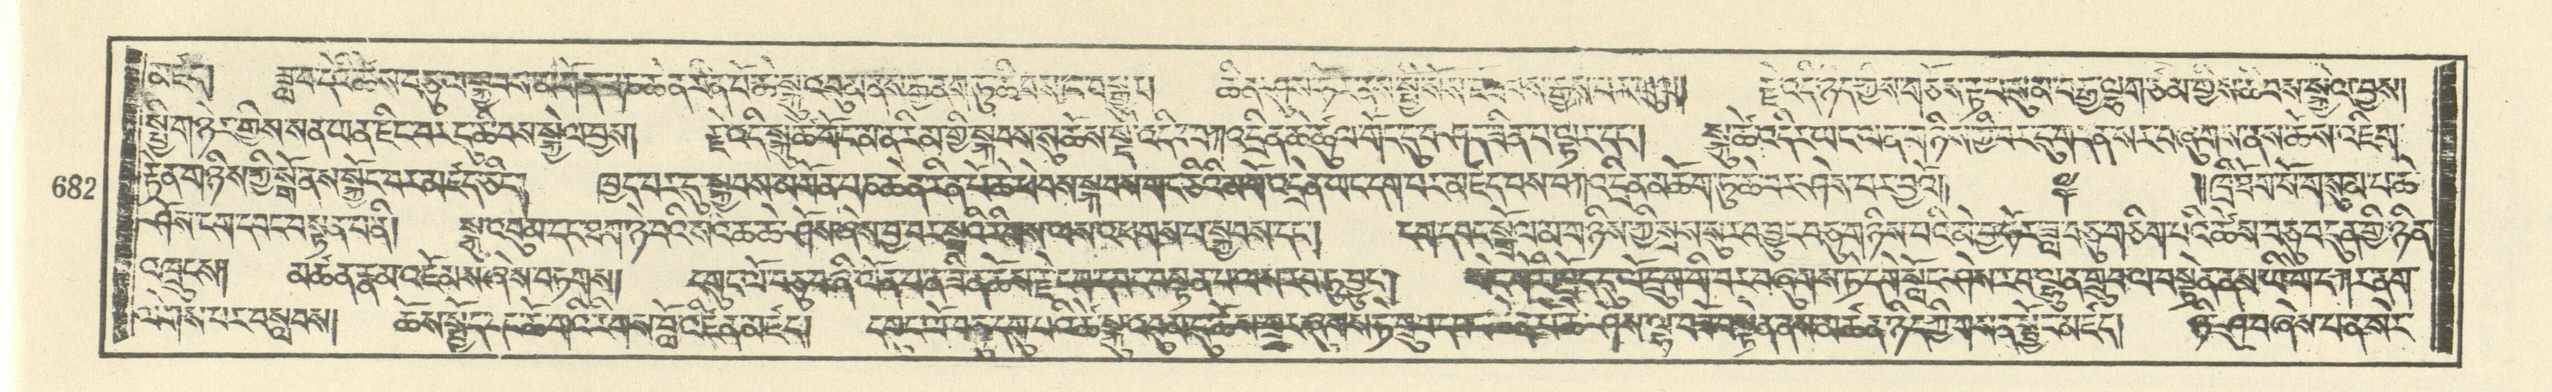མཛད། ཟླ་བ་དེའི་ཚེས་བཅུ་ལ་སྐྱབས་མགོན་པཎ་ཆེན་རིན་པོ་ཆེ་སྐུ་འབུམ་ནས་རྒྱ་ནག་ཏུ་ཆིབས་ཁ་བསྒྱུར། ཆིན་ཤུས་ཧོར་ནས་སྤྱི་སོས་ཇ་ཐབས་རྒྱས་པར་ཕུལ། རྗེ་འདི་ཉིད་ཀྱིས་གཙོས་རྟ་པ་སུམ་བརྒྱ་ལྷག་ཙམ་གྱིས་ཆིབས་སྐྱེལ་བྱས།
སྤྱི་གཉེར་གྱིས་སན་ཡན་ཇིང་བར་དུ་ཆི་བས་སྐྱེལ་བྱས། རྗེ་འདི་སྐུ་ཚེ་གོང་མ་ན་རིམ་གྱི་སྐབས་སུ་ཆོས་སྡེ་འདིར་བཀའ་དྲིན་ཆེ་ཚུལ་གོང་དུ་བཤད་ཟིན་པ་ལྟར་དང་། སྐུ་ཚེ་འདིར་ཡང་ལན་གཉིས་ཀྱི་བར་དུ་གདན་སར་བཞུགས་ནས་ཆོས་འཇིག་
རྟེན་གཉིས་ཀྱི་སྒོ་ནས་སྐྱོང་བར་མཛད་ཅིང་། ཁྱད་པར་དུ་སྐྱབས་མགོན་པཎ་ཆེན་རིན་པོ་ཆེ་ཕེབས་སྐབས་གང་ཅིའི་མགོ་འདྲེན་ཡང་དག་པར་མཛད་པས་བཀའ་དྲིན་མཆོག་ཏུ་ཆེ་བར་ཤེས་པར་བྱའོ།། ༈ །།ཁྲི་ཐོག་སོ་གསུམ་པ་ཆེ་
ཤོས་ངག་དབང་བསྟན་པ་ནི། སྐུ་འབུམ་དང་ཐག་ཉེ་བའི་སའི་ཆ་ཆེ་ཤོས་ཞེས་བྱ་བར་སྒྲའི་རིགས་ལས་འཕགས་པ་སྐྱབས་དང་། ངག་དབང་སྒྲོལ་མ་གཉིས་ཀྱི་སྲས་སུ་རབ་བྱུང་བཅུ་གཉིས་པའི་མེ་བྱ་ཧོར་ཟླ་བཅུ་གཅིག་པའི་ཚེས་བཅུ་བདུན་གྱི་ཉིན་
འཁྲུངས། མཚན་རྣམ་འཇོམས་ཞེས་བཏགས། དགུང་ལོ་བཅུ་བཞི་ལོན་པ་ན་ཟིན་ཆོས་རྗེ་ངག་དབང་བསྟན་པ་ལས་རབ་ཏུ་བྱུང་། སེང་གེ་རི་ཁྲོད་དུ་ལོ་དྲུག་གི་བར་བཞུགས་ཏེ་དགེ་སློང་ཤེས་རབ་ལྷུན་གྲུབ་ལ་བསྙེན་ནས་ཡི་གེ་དཀར་ནག་
ལེགས་པར་བསླབས། ཆོས་སྤྱོད་དང་ཆོ་གའི་རིགས་བློ་འཛིན་མཛད། དགུང་ལོ་བཅུ་དགུ་པའི་ཚེ་སྐུ་འབུམ་དུ་ཆོས་གྲྭར་ཞུགས་ཏེ་གྲུབ་དབང་ཆེན་པོ་ཆེ་ཤོས་ལྷ་བཟོ་བསྟེན་ནས་མཚན་ཉིད་ཀྱི་གསན་སྦྱོང་མཛད། ཉི་ཤུ་བཞེས་པ་ན་སེར་